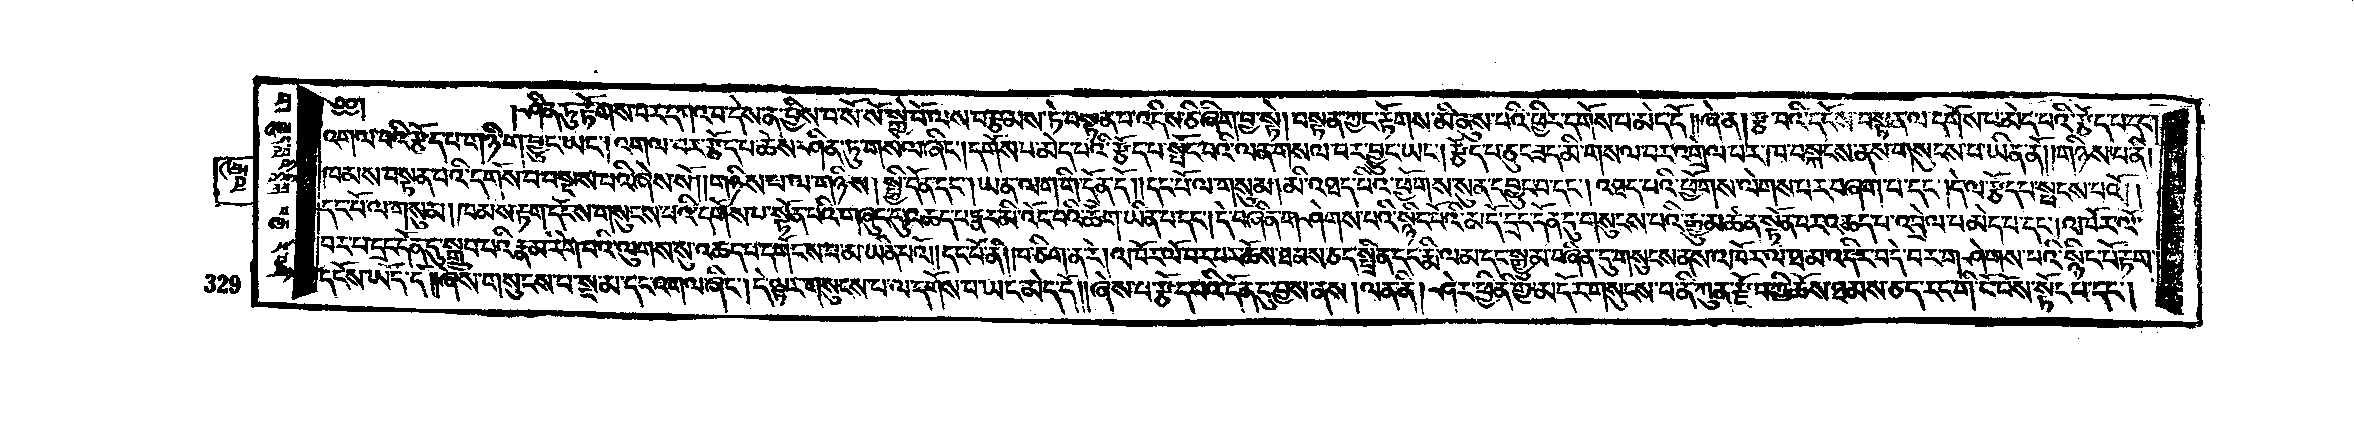༄༅། །ཤིན་ཏུ་རྟོགས་པར་དཀའ་བ་དེས་ན་བྱིས་པ་སོ་སོ་སྐྱེ་བོ་ལས་བརྩམས་ཏེ་བསྟན་པ་འདིས་ཅི་ཞིག་བྱ་སྟེ། བསྟན་ཀྱང་རྟོགས་མི་ནུས་པའི་ཕྱིར་དགོས་པ་མེད་དོ། །ཞེ་ན། རྩ་བའི་དངོས་བསྟན་ལ་དགོས་པ་མེད་པའི་རྩོད་པ་དང་།
འགལ་བའི་རྩོད་པ་གཉི་ག་བྱུང་ཡང་། འགལ་བར་རྩོད་པ་ཆོས་ཤིན་ཏུ་གསལ་ཞིང་། དགོས་པ་མེད་པའི་རྩོད་པ་སྤོང་བའི་ལན་གསལ་བར་བྱུང་ཡང་། རྩོད་པ་ཅུང་ཟད་མི་གསལ་བར་འགྲེལ་པར་ཁ་བསྐངས་ནས་གསུངས་པ་ཡིན་ནོ། །གཉིས་པ་ནི།
ཁམས་བསྟན་པའི་དགོས་པ་བསྔས་པའི་ཞེས་སོ། །གཉིས་པ་ལ་གཉིས། སྤྱི་དོན་དང་། ཡན་ལག་གི་དོན་དོ། །དང་པོ་ལ་གསུམ། མི་འཐད་པའི་ཕྱོགས་སུན་དབྱུང་བ་དང་། འཐད་པའི་ཕྱོགས་ལེགས་པར་བཞག་པ་དང་། དེ་ལ་རྩོད་པ་སྤངས་པའོ། །
དང་པོ་ལ་གསུམ། ཁམས་རྟག་དངོས་གསུངས་པའི་དགོས་པ་སྟོན་པའི་གཞུང་དུ་འཆད་པ་རྣར་མི་འོང་བའི་ཆོག་ཡིན་པ་དང་། དེ་བཞིན་གཤེགས་པའི་སྙིང་པོའི་མདོ་དྲང་དོན་དུ་གསུངས་པའི་རྒྱུ་མཚན་སྟོན་པར་འཆད་པ་འབྲེལ་པ་མེད་པ་དང་། འཁོར་ལོ་
བར་པ་དྲང་དོན་དུ་སྒྲུབ་པའི་རྣམ་རིག་པའི་ལུགས་སུ་འཆད་པ་དགོངས་པ་མ་ཡིན་པའོ། །དང་པོ་ནི། ཁ་ཅིག་ན་རེ། འཁོར་ལོ་བར་པར་ཆོས་ཐམས་ཅད་སྤྲིན་དང་རྨི་ལམ་དང་སྒྱུ་མ་བཞིན་དུ་གསུངས་ནས་འཁོར་ལ་ཐ་མ་འདིར་བདེ་བར་གཤེགས་པའི་སྙིང་པོ་རྟག་
དངོས་ཡོད་དོ། །ཞེས་གསུངས་པ་སྔ་མ་དང་འགལ་ཞིང་། དེ་ལྟར་གསུངས་པ་ལ་དགོས་པ་ཡང་མེད་དོ། །ཞེས་པ་རྩོད་པའི་དོན་དུ་བྱས་ནས། ལན་ནི། ཤེར་ཕྱིན་གྱི་མདོར་གསུངས་པས་ནི་ཀུན་རྫོབ་ཀྱི་ཆོས་ཐམས་ཅད་རང་གི་ངོ་བོས་སྟོང་པ་དང་།